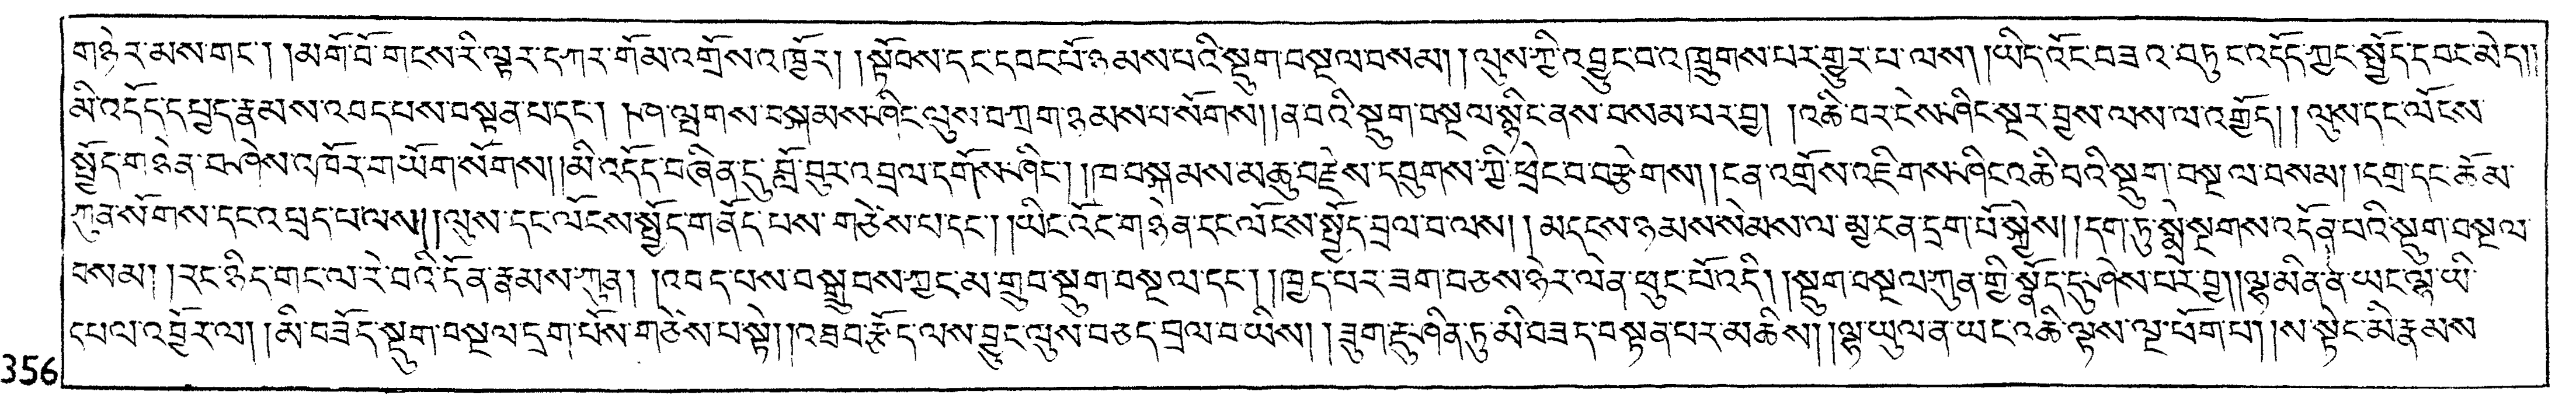གཉེར་མས་གང་། །མགོ་བོ་གངས་རི་ལྟར་དཀར་གོམ་འགྲོས་འཁྱོར། །སྟོབས་དང་དབང་པོ་ཉམས་པའི་སྡུག་བསྔལ་བསམ། །ལུས་ཀྱི་འབྱུང་བ་འཁྲུགས་པར་གྱུར་པ་ལས། །ཡིད་འོང་བཟའ་བཏུང་འདོད་ཀྱང་སྤྱོད་དབང་མེད། །
མི་འདོད་དཔྱད་རྣམས་འབད་པས་བསྟན་པ་དང་། །ཤ་ལྤགས་བསྐམས་ཤིང་ལུས་བཀྲག་ཉམས་པ་སོགས། །ན་བའི་སྡུག་བསྔལ་སྙིང་ནས་བསམ་པར་བྱ། །འཆི་བར་ངེས་ཤིང་སྔར་བྱས་ལས་ལ་འགྱོད། །ལུས་དང་ལོངས་
སྤྱོད་གཉེན་བཤེས་འཁོར་གཡོག་སོགས། །མི་འདོད་བཞིན་དུ་བློ་བུར་འབྲལ་དགོས་ཤིང་། །ཁ་བསྐམས་མཆུ་བརྗེས་དབུགས་ཀྱི་ཕྲེང་བ་བརྩེགས། །ངན་འགྲོས་འཇིགས་ཤིང་འཆི་བའི་སྡུག་བསྔལ་བསམ། །དགྲ་དང་ཆོམ་
ཀུན་སོགས་དང་འཕྲད་པ་ལས། །ལུས་དང་ལོངས་སྤྱོད་གནོད་པས་གཙེས་པ་དང་། །ཡིང་འོང་གཉེན་དང་ལོངས་སྤྱོད་བྲལ་བ་ལས། །མདངས་ཉམས་སེམས་ལ་མྱ་ངན་དྲག་པོ་སྐྱེས། །དག་ཏུ་སྨྲེ་སྔགས་འདོན་པའི་སྡུག་བསྔལ་
བསམ། །རང་ཉིད་གང་ལ་རེ་བའི་དོན་རྣམས་ཀུན། །འབད་པས་བསྒྲུབས་ཀྱང་མ་གྲུབ་སྡུག་བསྔལ་དང་། །ཁྱད་པར་ཟག་བཅས་ཉེར་ལེན་ཕུང་པོ་འདི། །སྡུག་བསྔལ་ཀུན་གྱི་སྣོད་དུ་ཤེས་པར་བྱ། །ལྷ་མིན་ན་ཡང་ལྷ་ཡི་
དཔལ་འབྱོར་ལ། །མི་བཟོད་སྡུག་བསྔལ་དྲག་པོས་གཙེས་པ་སྟེ། །འཐབ་རྩོད་ལས་བྱུང་ལུས་བཅད་བྲལ་བ་ཡིས། །ཟུག་རྡུ་ཤིན་ཏུ་མི་བཟད་བསྟན་པར་མཆིས། །ལྷ་ཡུལ་ན་ཡང་འཆི་ལྟས་ལྔ་ཕོག་པ། །ས་སྟེང་མི་རྣམས་